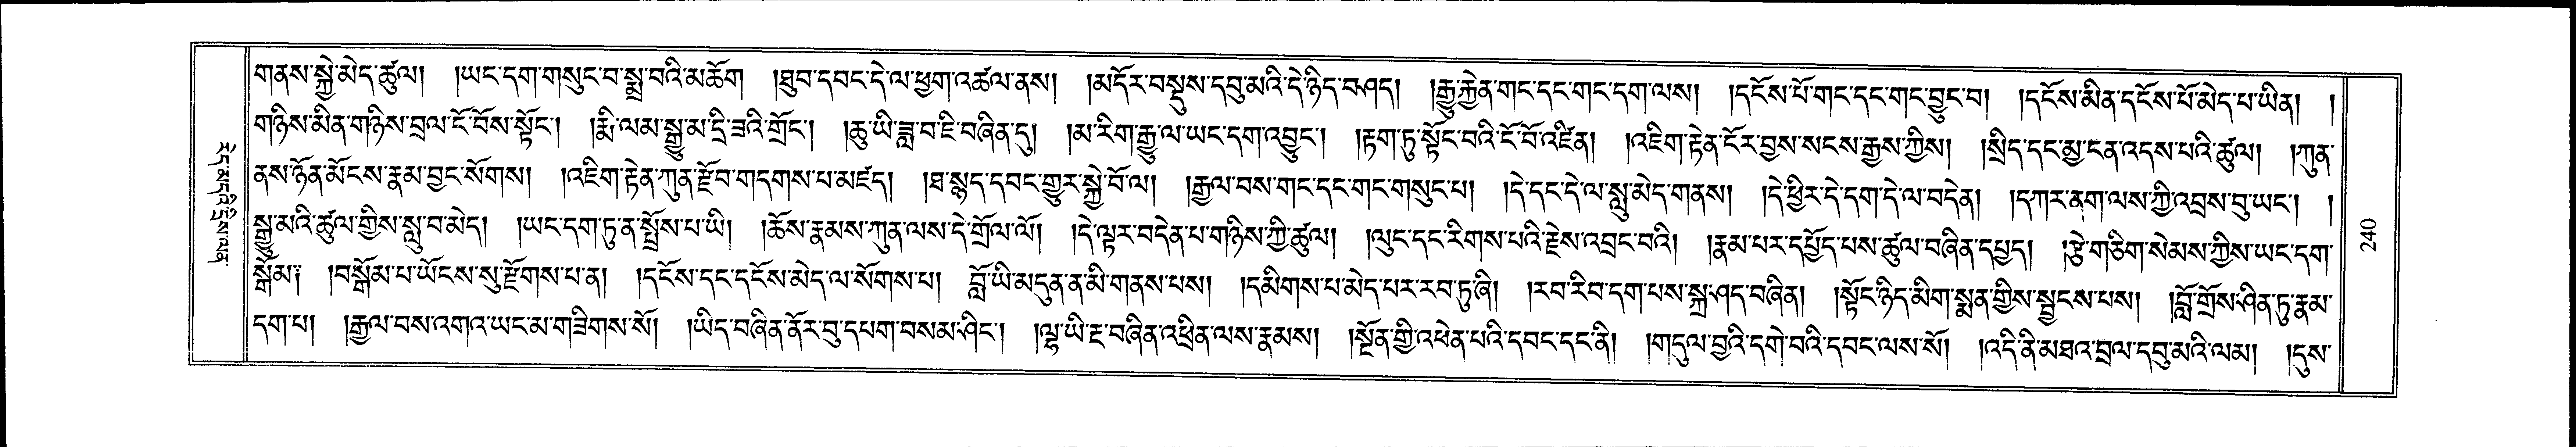གནས་སྐྱེ་མེད་ཚུལ། །ཡང་དག་གསུང་བ་སྨྲ་བའི་མཆོག །ཐུབ་དབང་དེ་ལ་ཕྱག་འཚལ་ནས། །མདོར་བསྡུས་དབུ་མའི་དེ་ཉིད་བཤད། །རྒྱུ་རྐྱེན་གང་དང་གང་དག་ལས། །དངོས་པོ་གང་དང་གང་བྱུང་བ། །དངོས་མིན་དངོས་པོ་མེད་པ་ཡིན། །
གཉིས་མིན་གཉིས་བྲལ་ངོ་བོས་སྟོང་། །རྨི་ལམ་སྒྱུ་མ་དྲི་ཟའི་གྲོང་། །ཆུ་ཡི་ཟླ་བ་ཇི་བཞིན་དུ། །མ་རིག་རྒྱུ་ལ་ཡང་དག་འབྱུང་། །རྟག་ཏུ་སྟོང་བའི་ངོ་བོ་འཛིན། །འཇིག་རྟེན་ངོར་བྱས་སངས་རྒྱས་ཀྱིས། །སྲིད་དང་མྱ་ངན་འདས་པའི་ཚུལ། །ཀུན་
ནས་ཉོན་མོངས་རྣམ་བྱང་སོགས། །འཇིག་རྟེན་ཀུན་རྫོབ་གདགས་པ་མཛད། །ཐ་སྙད་དབང་གྱུར་སྐྱེ་བོ་ལ། །རྒྱལ་བས་གང་དང་གང་གསུང་པ། །དེ་དང་དེ་ལ་སླུ་མེད་གནས། །དེ་ཕྱིར་དེ་དག་དེ་ལ་བདེན། །དཀར་ནག་ལས་ཀྱི་འབྲས་བུ་ཡང་། །
སྒྱུ་མའི་ཚུལ་གྱིས་སླུ་བ་མེད། །ཡང་དག་ཏུ་ན་སྤྲོས་པ་ཡི། །ཆོས་རྣམས་ཀུན་ལས་དེ་གྲོལ་ལོ། །དེ་ལྟར་བདེན་པ་གཉིས་ཀྱི་ཚུལ། །ལུང་དང་རིགས་པའི་རྗེས་འབྲང་བའི། །རྣམ་པར་དཔྱོད་པས་ཚུལ་བཞིན་དཔྱད། རྩེ་གཅིག་སེམས་ཀྱིས་ཡང་དག་
སྒོམ། །བསྒོམ་པ་ཡོངས་སུ་རྫོགས་པ་ན། །དངོས་དང་དངོས་མེད་ལ་སོགས་པ། བློ་ཡི་མདུན་ན་མི་གནས་པས། །དམིགས་པ་མེད་པར་རབ་ཏུ་ཞི། །རབ་རིབ་དག་པས་སྐྲ་ཤད་བཞིན། །སྟོང་ཉིད་མིག་སྨན་གྱིས་སྦྱངས་པས། །བློ་གྲོས་ཤིན་ཏུ་རྣམ་
དག་པ། །རྒྱལ་བས་འགའ་ཡང་མ་གཟིགས་སོ། །ཡིད་བཞིན་ནོར་བུ་དཔག་བསམ་ཤིང་། །ལྷ་ཡི་རྔ་བཞིན་འཕྲིན་ལས་རྣམས། །སྔོན་གྱི་འཕེན་པའི་དབང་དང་ནི། །གདུལ་བྱའི་དགེ་བའི་དབང་ལས་སོ། །འདི་ནི་མཐའ་བྲལ་དབུ་མའི་ལམ། །དུས་